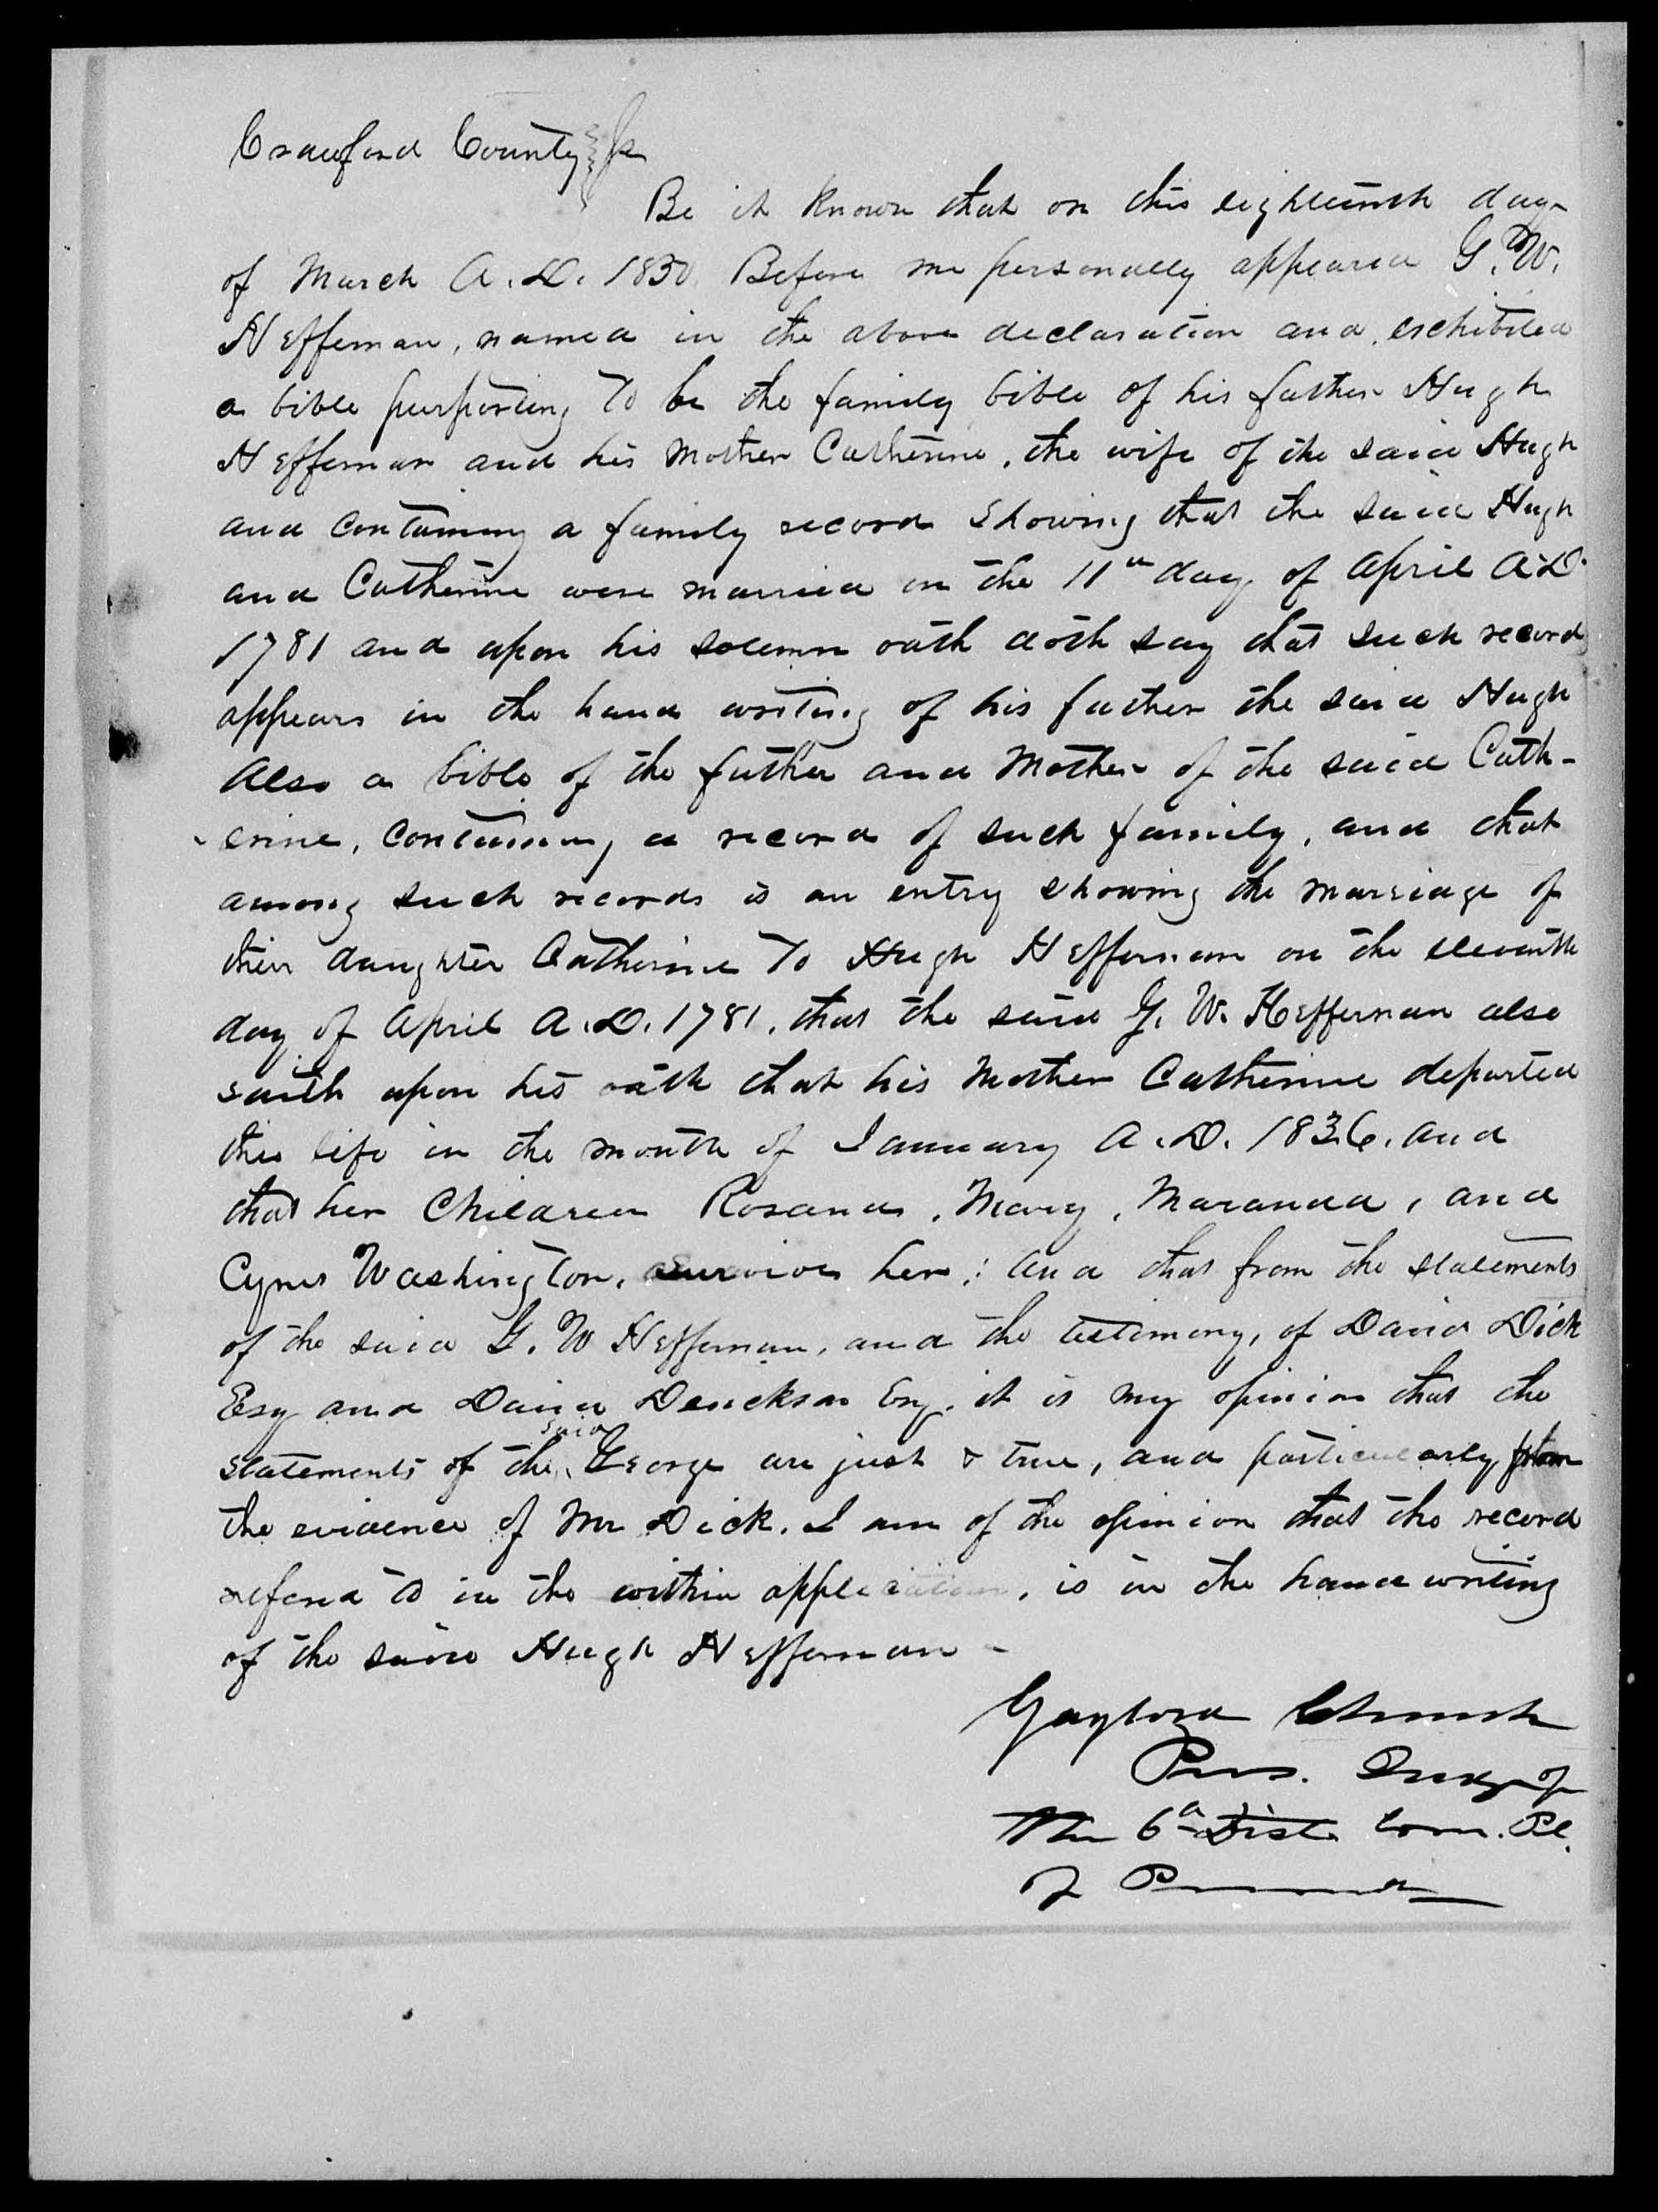Crawford County
Be it known that on this eighteenth day
of March A.D. 1830. Before me personally appeared G. W Heffeman, named in the above declaration and exhibited
a bible purporting to be the family bible of his father Hugh Heffernan and his mother Catherine, the wife of the said Hugh
and containing a family record showing that the said Hugh and Catherine were married on the 11th day of April A.D. 1781 and upon his solemn oath doth say that such record appears in the hand writing of his father the said Hugh.
also a bible of the father and mother of the said Catherine, contining a record of such family, and that among such record is an entry showing the marriage of their daughter Catherine to Hugh Heffernon on the eleventh day of April A.D. 1781, that the said G. W. Heffernan also
saith upon his oath that his mother Catherine departed this life in the month of January A.D. 1836, and that her children Rosana, Mary, Maranda, and Cyrus Washington, survive her. And thats from the statements
of the said G. W Hefferman, and the testimony of David Dick Esq. and David Derickson Esq. It is my opinion that the statements of the George and just & true, and particularly to
the evidence of Mr Dick, I am of the opinion that the record refered to in the within application, is in the hand writing of the said Hugh Hefferman.
Gaylord Church
Pres. Judge of
the 6th Dist Co Pl. of Pennsylvania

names: Cyrus Washington, Hugh, Hugh Heffernan, Catherine, Hugh, David Dick, Catherine Heffernan, David Derickson, G W Heffernan, Maranda, Gaylord Clemet, Hugh, Hugh Heffernan, Mary, Hugh Heffernan, Dick, G W Heffernan, Catherine, G W Heffernan, Rosana, Catherine, Catherine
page: 12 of 21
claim: rejected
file: R. 4419, Hugh Haffernan, Penn.